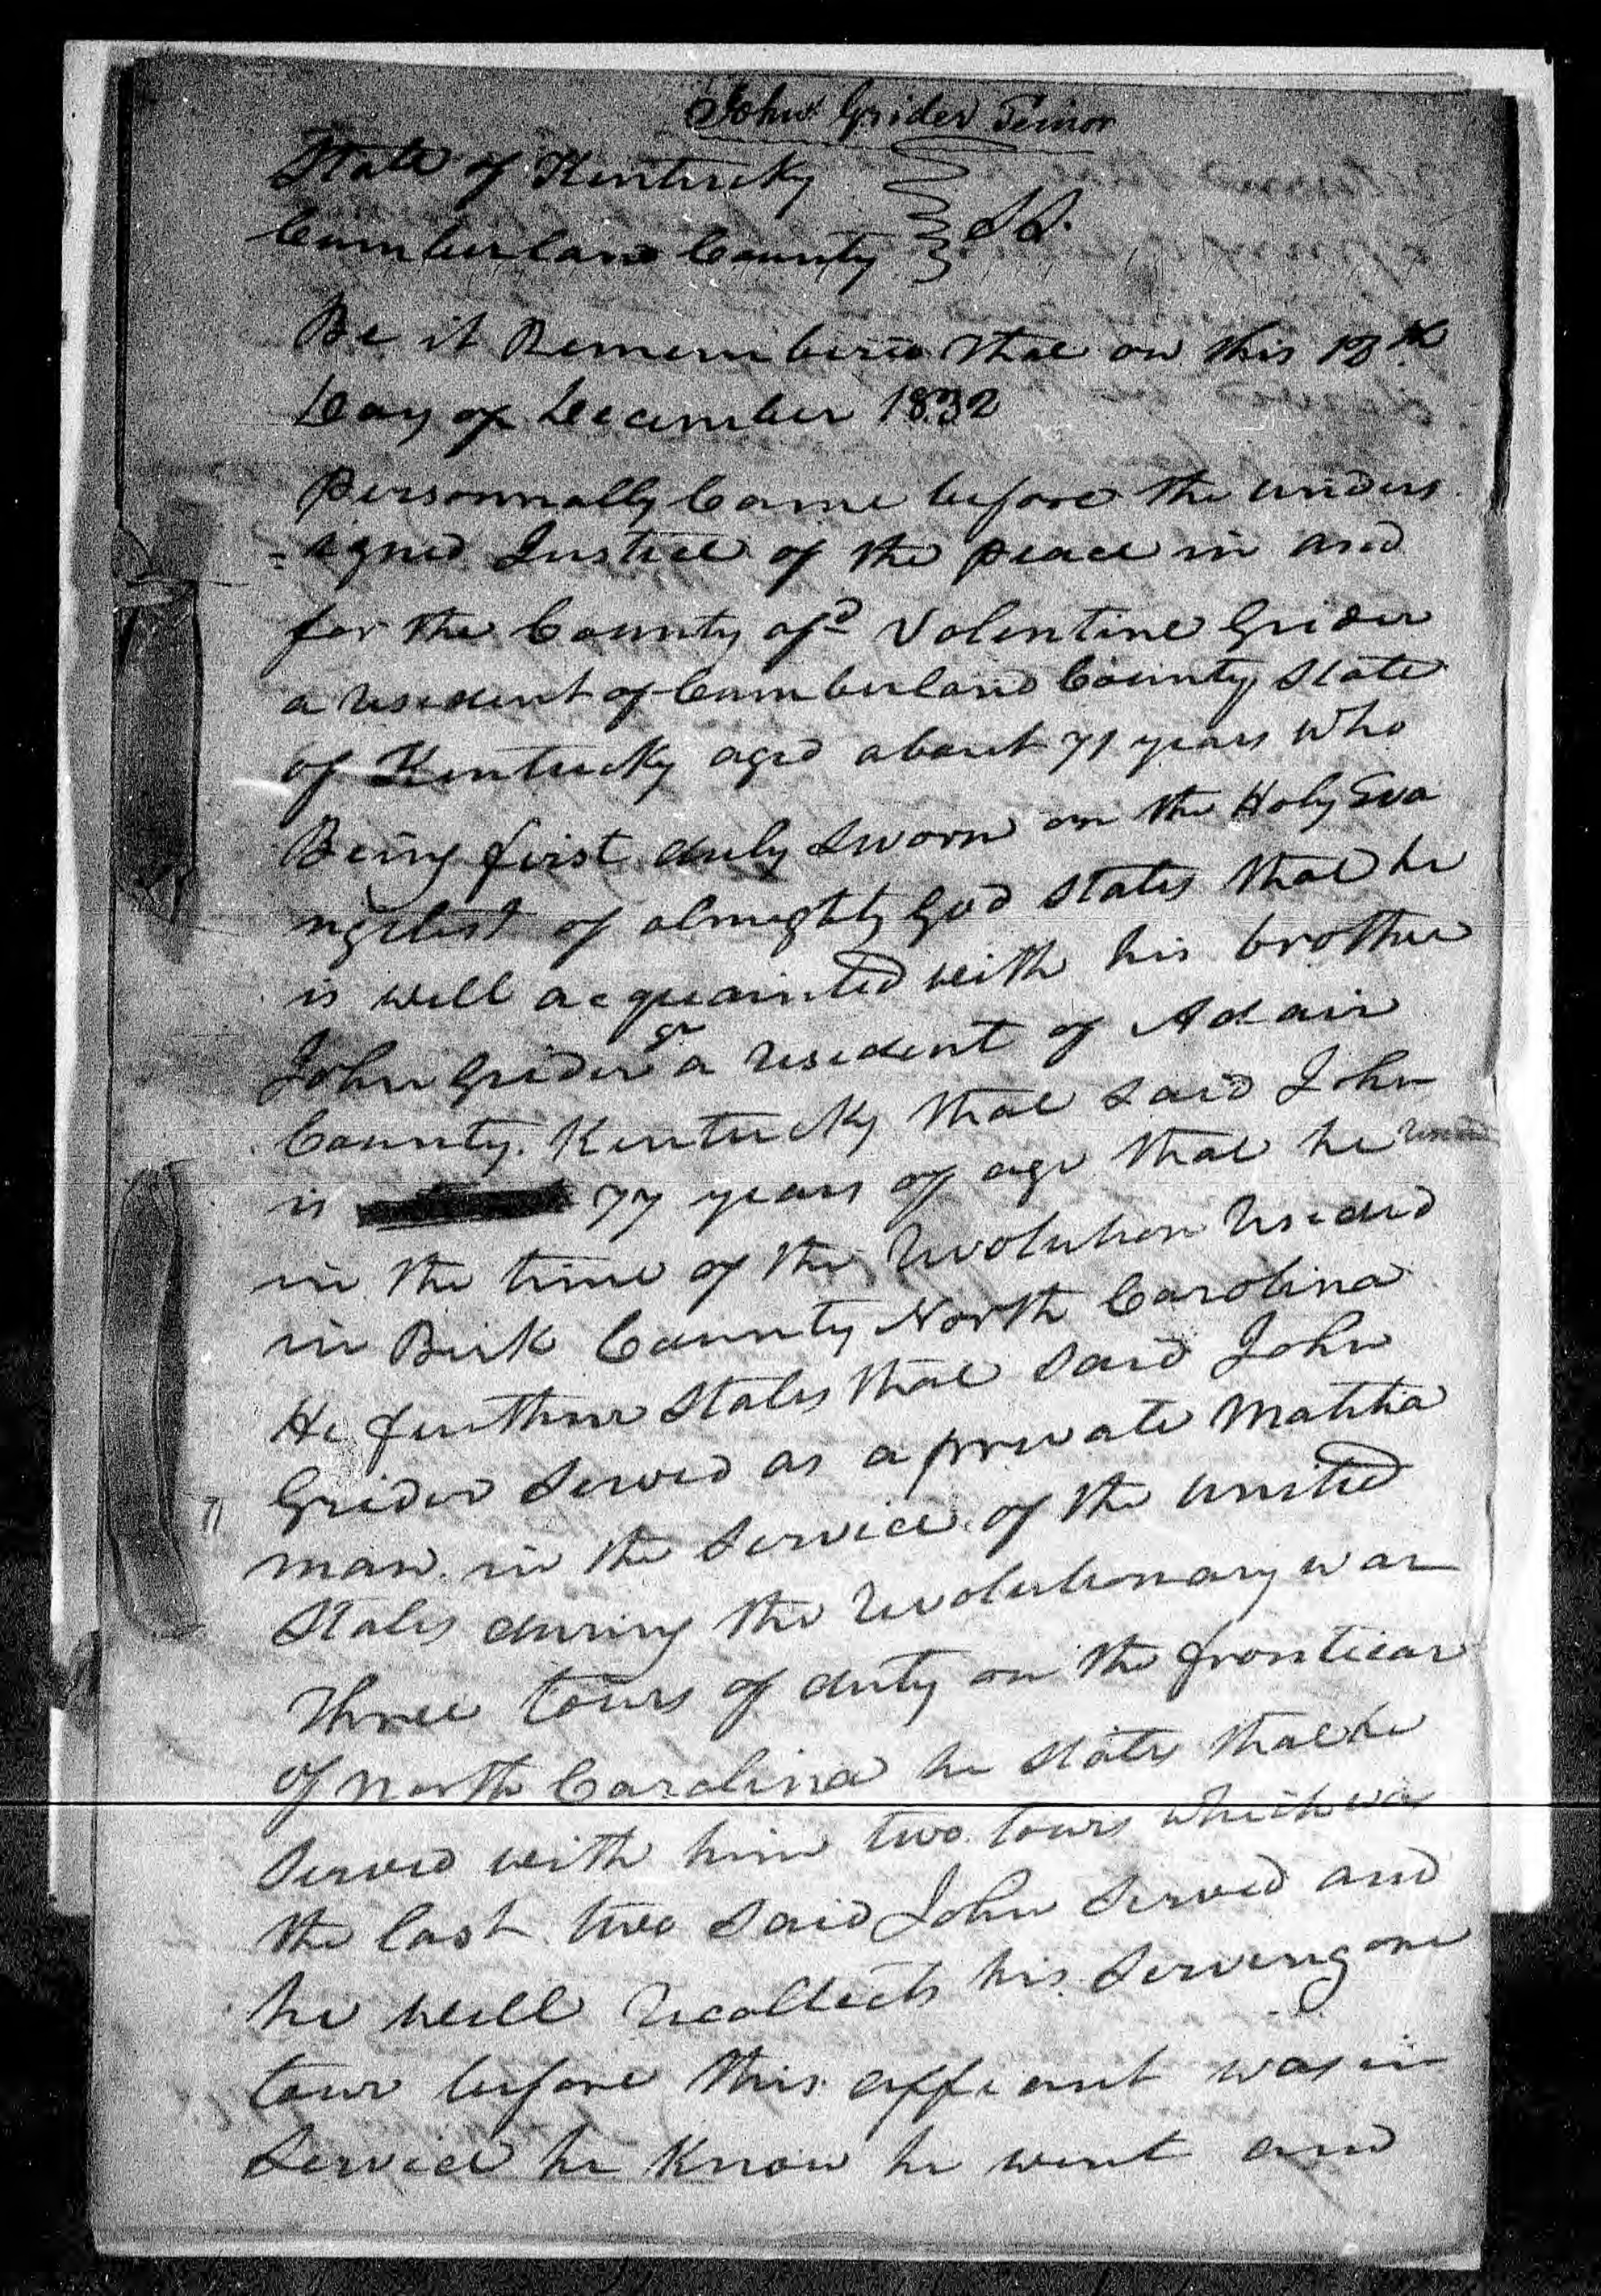John Grider Tenn

State of Kentucky 
Cumberland County } ss

Be it remembered that on this 13th day of December 1832.
Personally came before the under signed Justice of the Peace in and for the county of  Valentine Grider a resident of Cumberland County state of Kentucky  aged about 71 years who being first duly sworn on the holy Evangelist of almighty God States that he is well acquainted with his brother John Grider SR a resident of Adair County Kentucky. That said John is 77 years of age that he [illegible] in the time of the Revolution [illegible] in Burk County North Carolina. He further states that said John Grider served as a  private malitia [militia] man in the service of the United States during the Revolutionary War. Three tours of duty on the frontier of North Carolina he states that he served with him two tours which was the last time said John served and he well recollects his serving one tour before this affiant was in service he knows he went [illegible]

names: John Grider, Volentine Grider, John Grider, John, John, John Grider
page: 82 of 91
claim: widow's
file: W 358, John Grider, N.C.